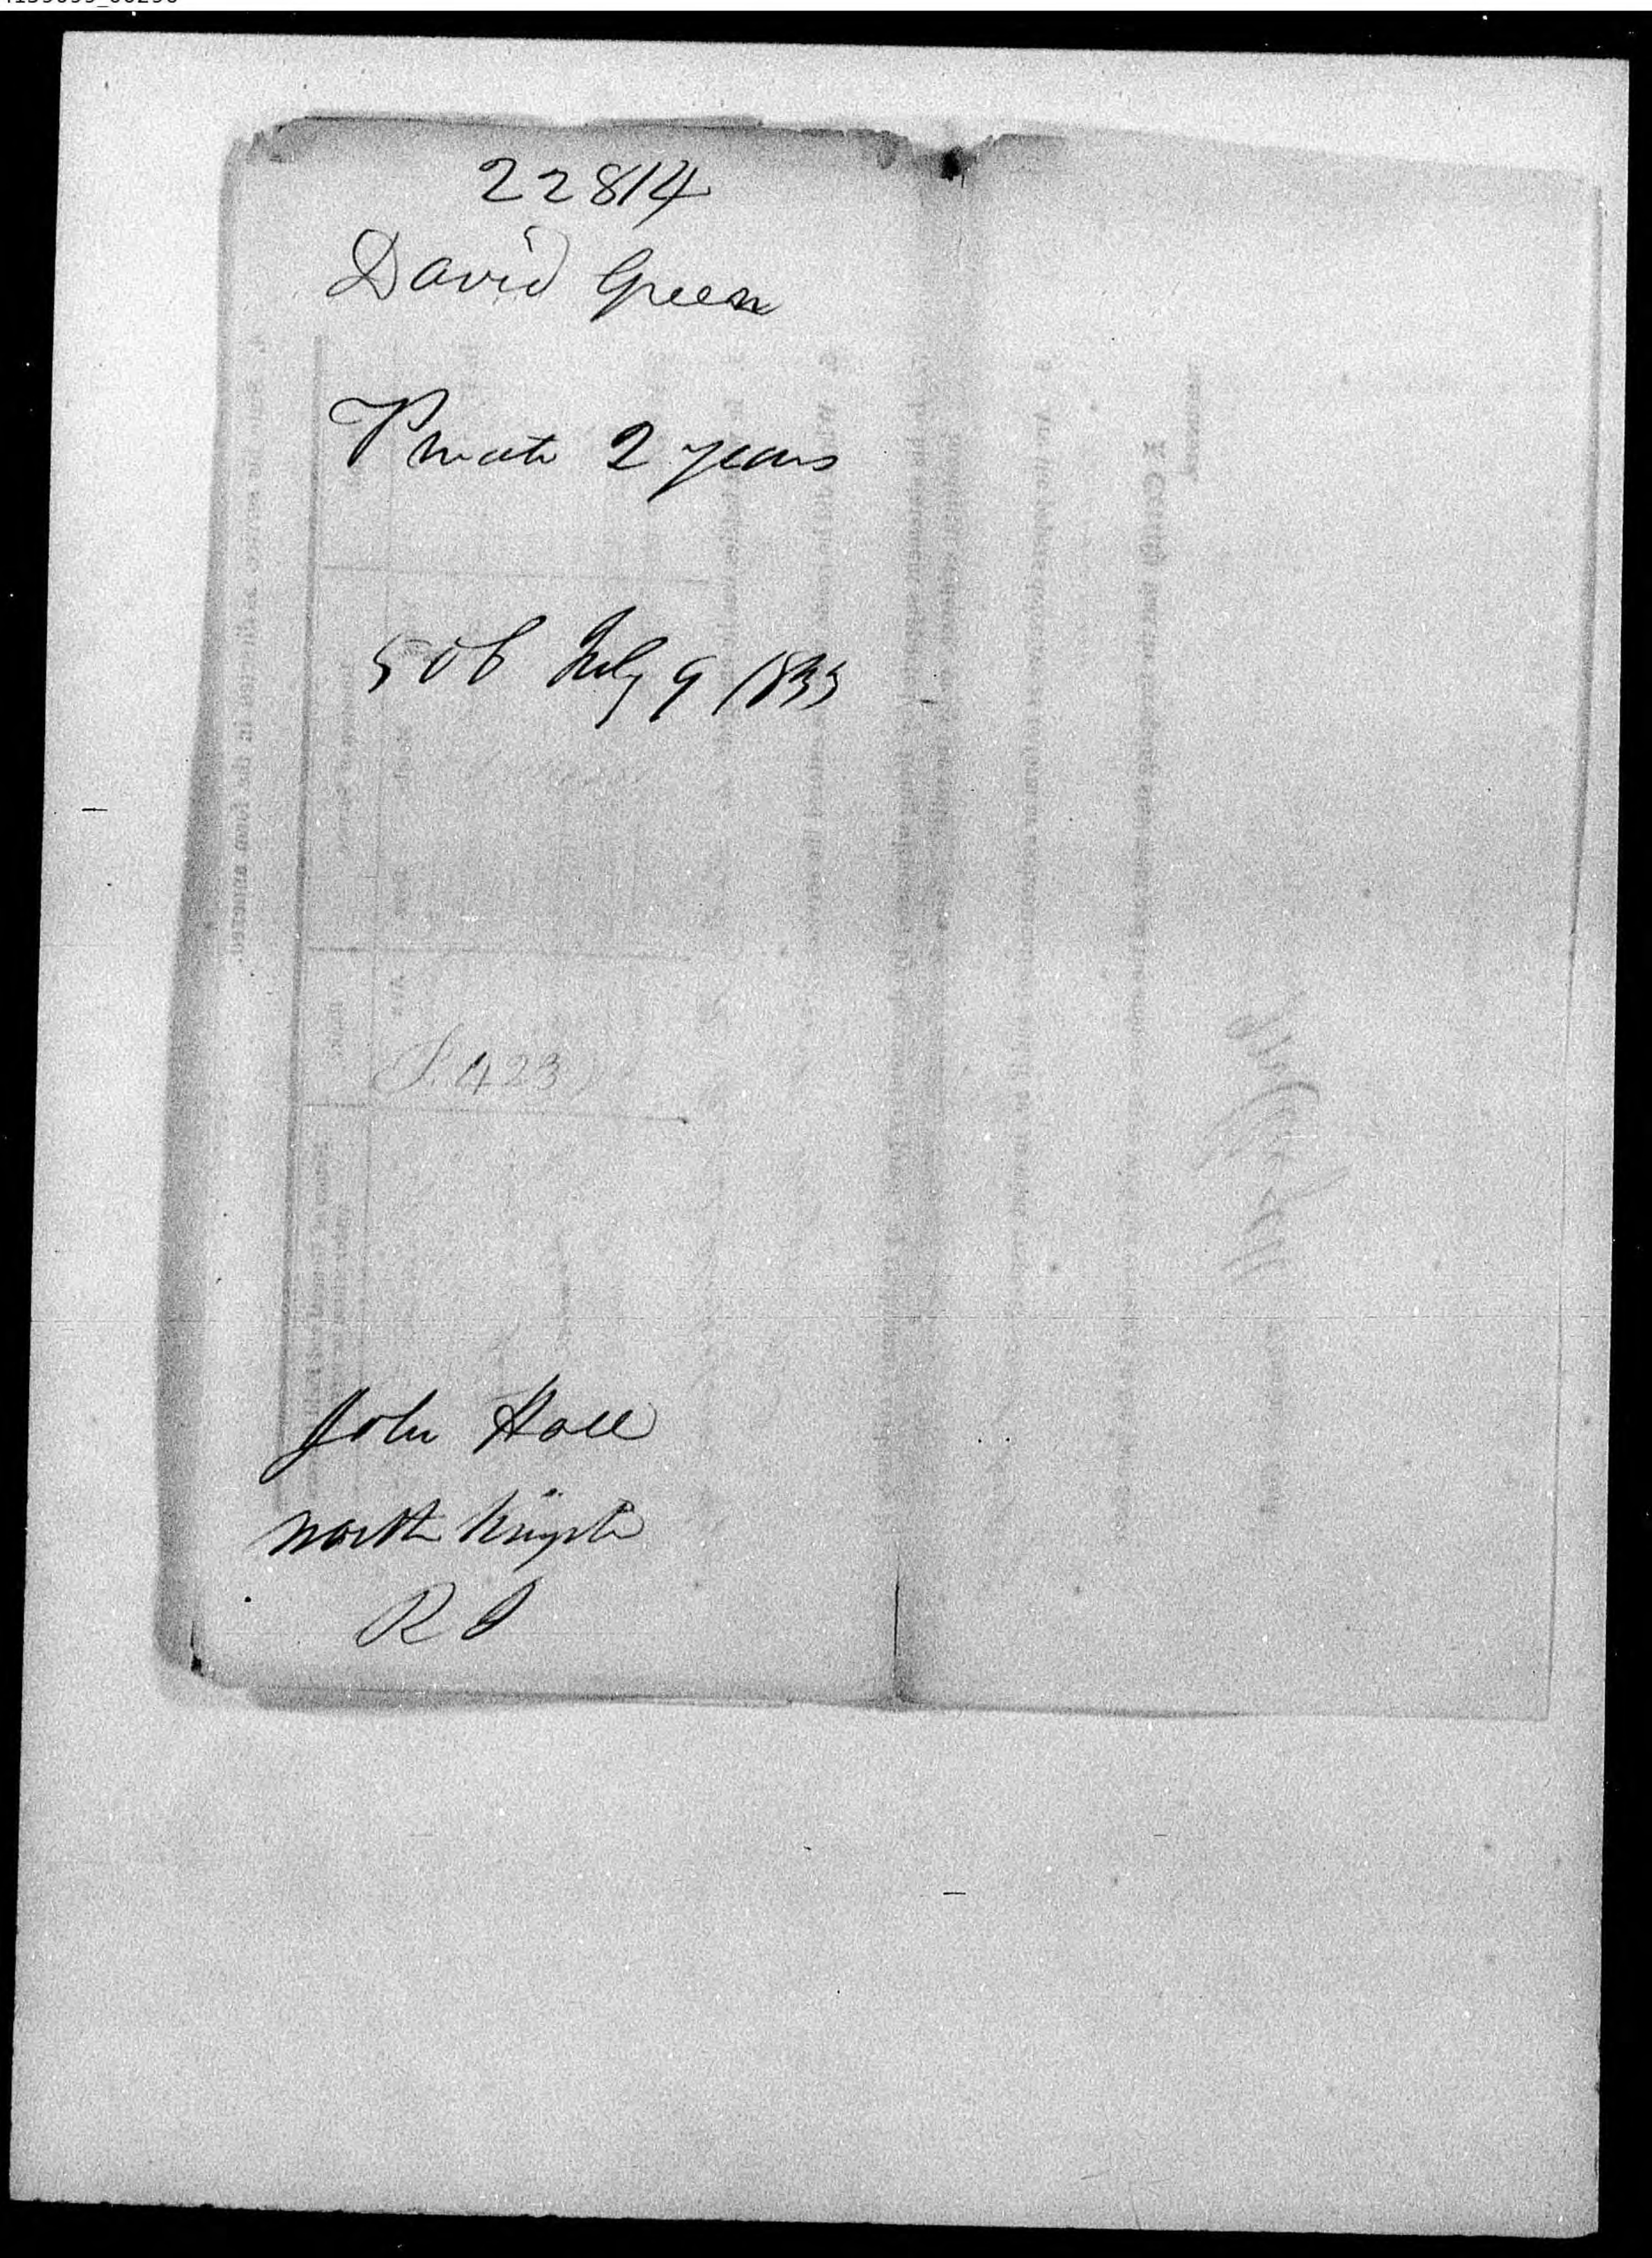22814
David Greene
Private 2 years
(sof?) July 9, 1833

John Hall
North Kingston
R.I.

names: John Hall, David Green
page: 14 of 27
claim: survivor's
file: S. 21,245, David Greene, R.I.